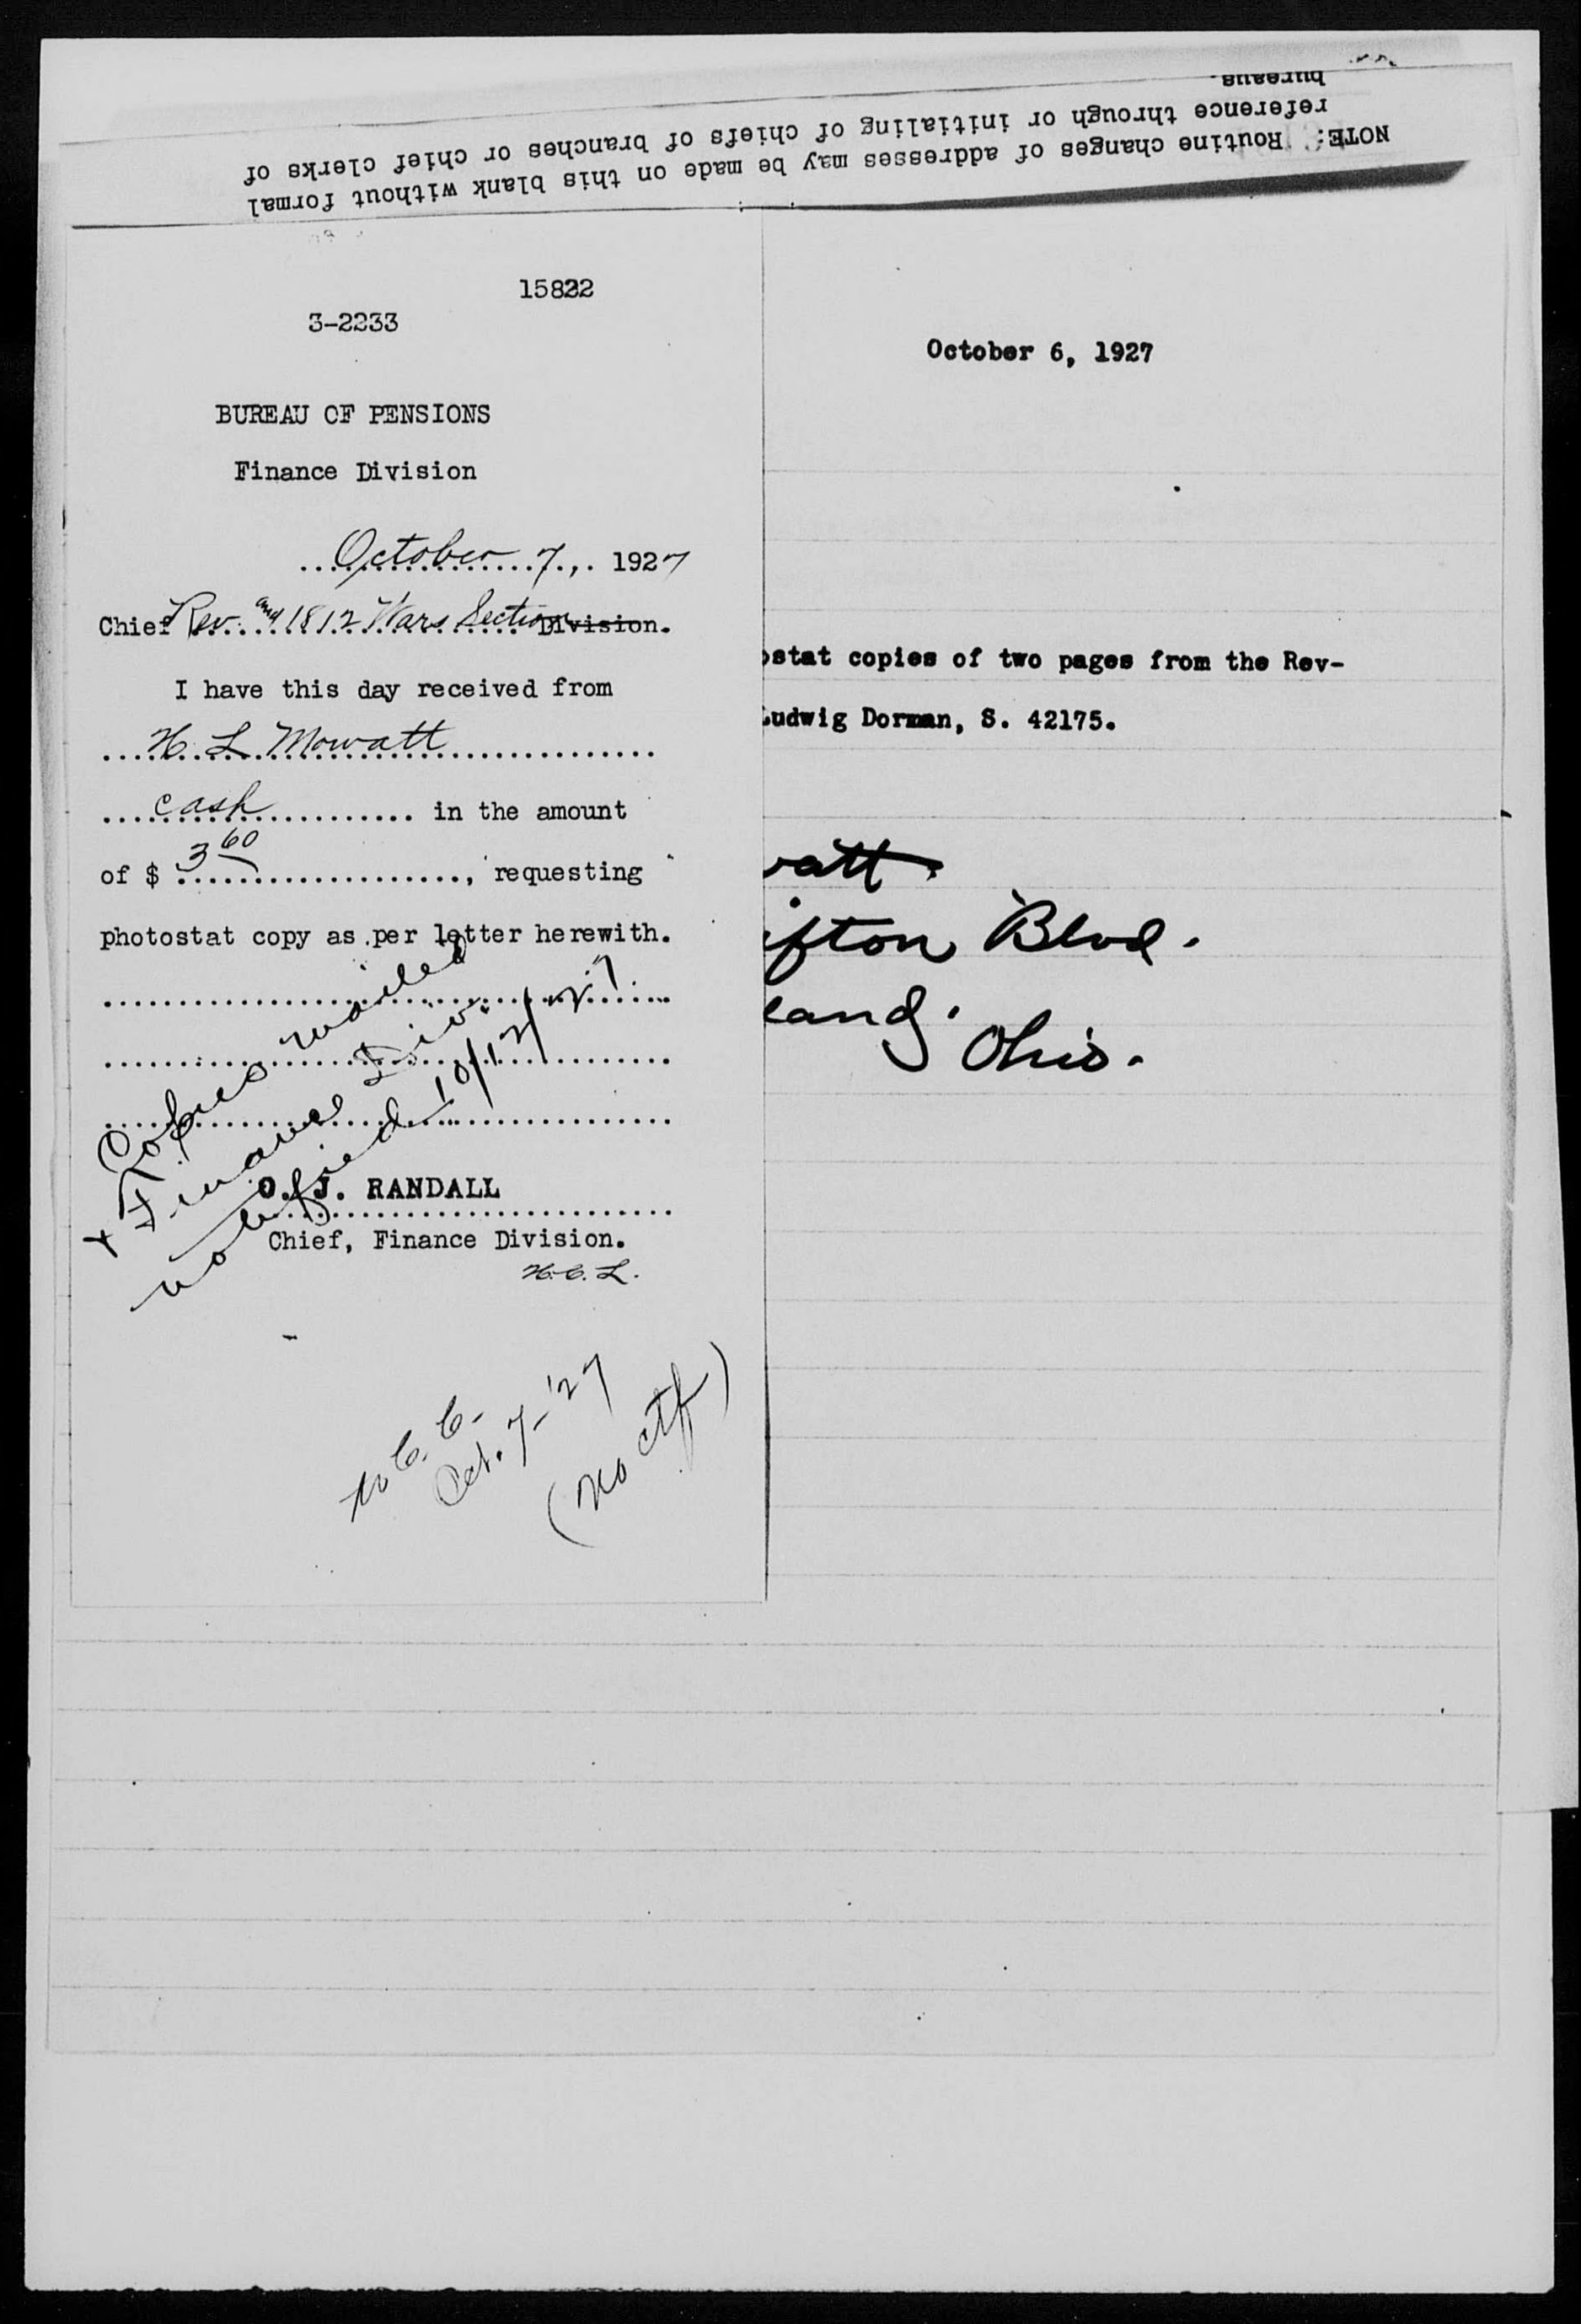Note: Routine changes of addresses may be made on this blank without formal reference through or initialing of chiefs of branches or cheif clerks bureaus

15822
3-2233
Bureau of Pensions
Finance Division
October 7, 1927
Chief Rev. and 1812 Wars Section Division
I have this day received from HL Mowatt
cash in the amount of  $3.60, requesting photostat copy as per letter herewith.
Copies mailed and Finance Div. notified 10/12/27
O.J. Randall
Chief, Finance Division.
N.C.L.
To C.C. 
Oct. 7-27 (no ctf)
October 6, 1927
..stat copies of two pages from Rev-
Ludwig Dorman, S. 42175
[illegible]
[illegible] Blvd.
[illegible], Ohio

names: O J Randall, H L Mowatt, Ludwig Dorman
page: 10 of 16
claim: survivor's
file: S. 42,175, Ludwig Dorman, Penn.